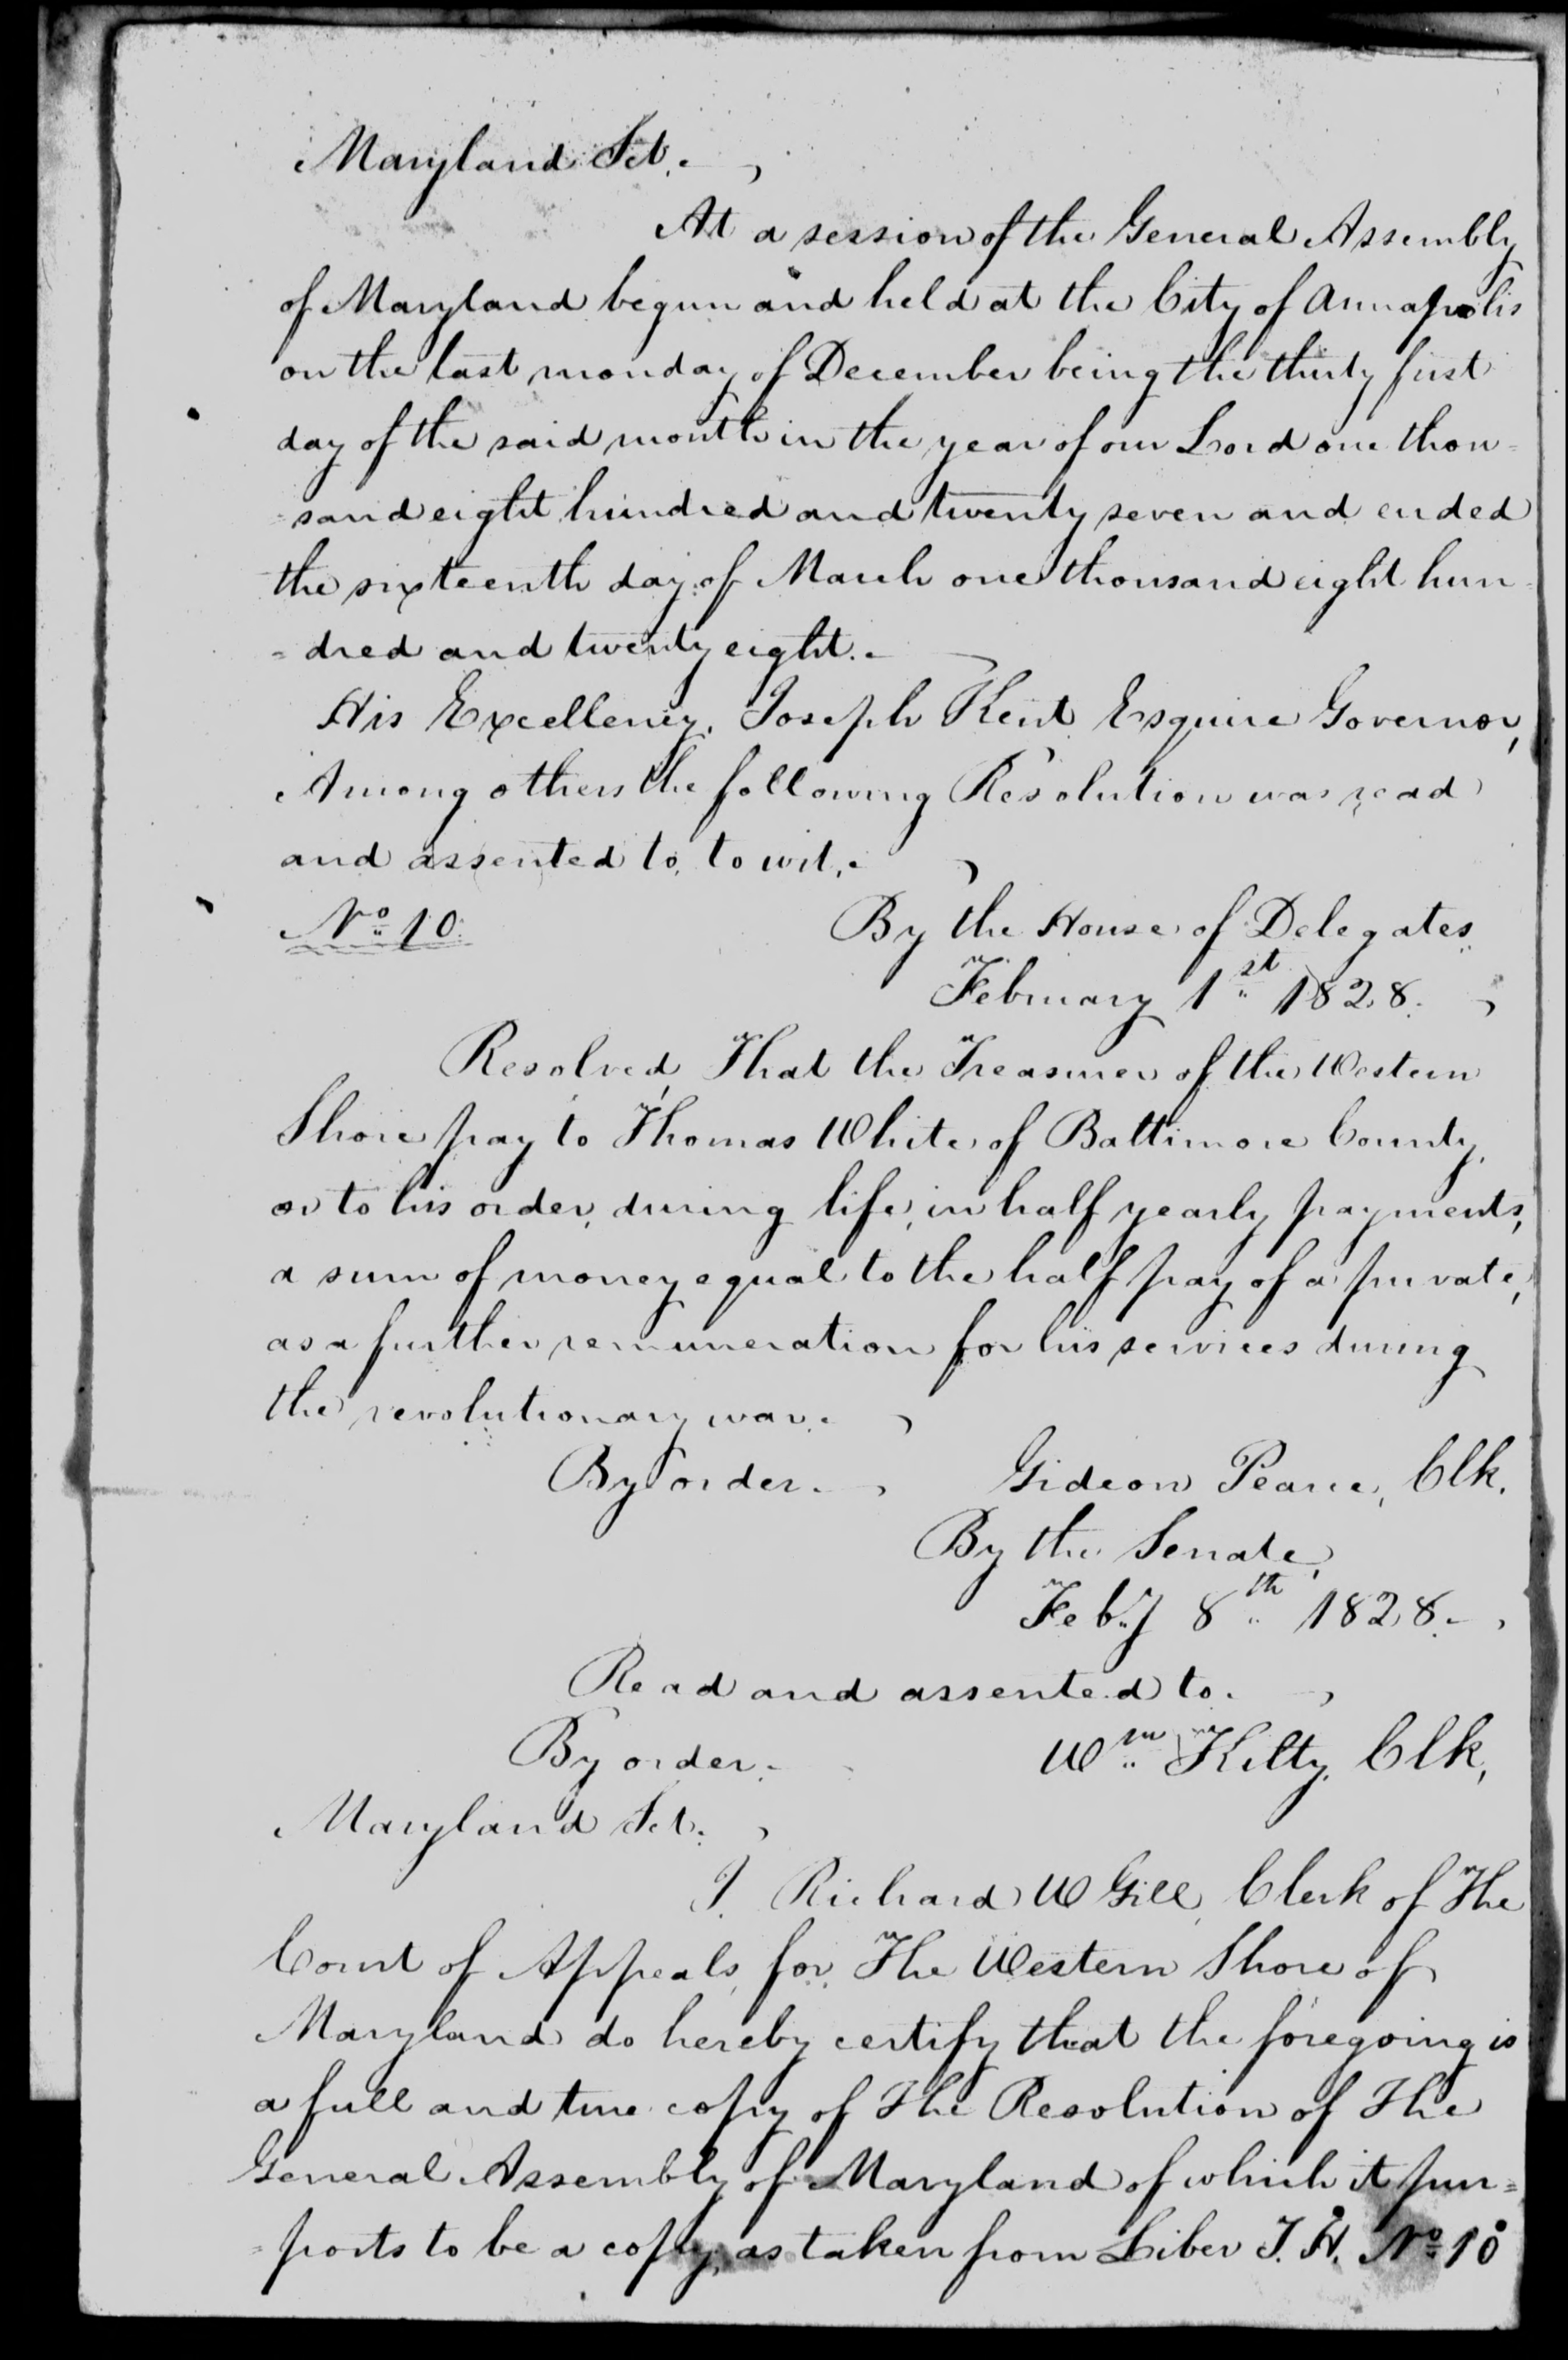Maryland Sct.
At a session of the General Assembly of Maryland begun and held at the City of Annapolis on the last monday of December being the thirty first day of the said month in the year of our Lord one thousand eight hundred and twenty seven and ended the sixteenth day of March one thousand eight hundred and twenty eight.
His Excellency. Joseph Kent Esquire Governor, 
Among others the following Resolution was read and assented to to wit.
No 10
By the House of Delegates
February 1st 1828
Resolved That the Treasurer of the Western Shore pay to Thomas White of Baltimore County or to his order, during life, in half yearly payments, a sum of money equal to the half pay of a private, as a further renumeration for his services during the revolutionary war.
By order. 
Gideon Pearce Clk [clerk] 
By the Senate,
Feby.  8th 1828.
Read and assented to
By order  Wm Kelty Clk [clerk]
Maryland Sct.
I Richard W Gill Clerk of the Court of Appeals, for the Western Shore of Maryland do hereby certify that the foregoing is a full and true copy of the Resolution of the
General Assembly of Maryland of which it purports to be a copy as taken from Liber T. H. No 10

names: Thomas White, Richard W Gill, Gideon Pearce, Joseph Kent, Wm Ketty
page: 13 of 43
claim: survivor's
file: S. 15240, Thomas White, Md.